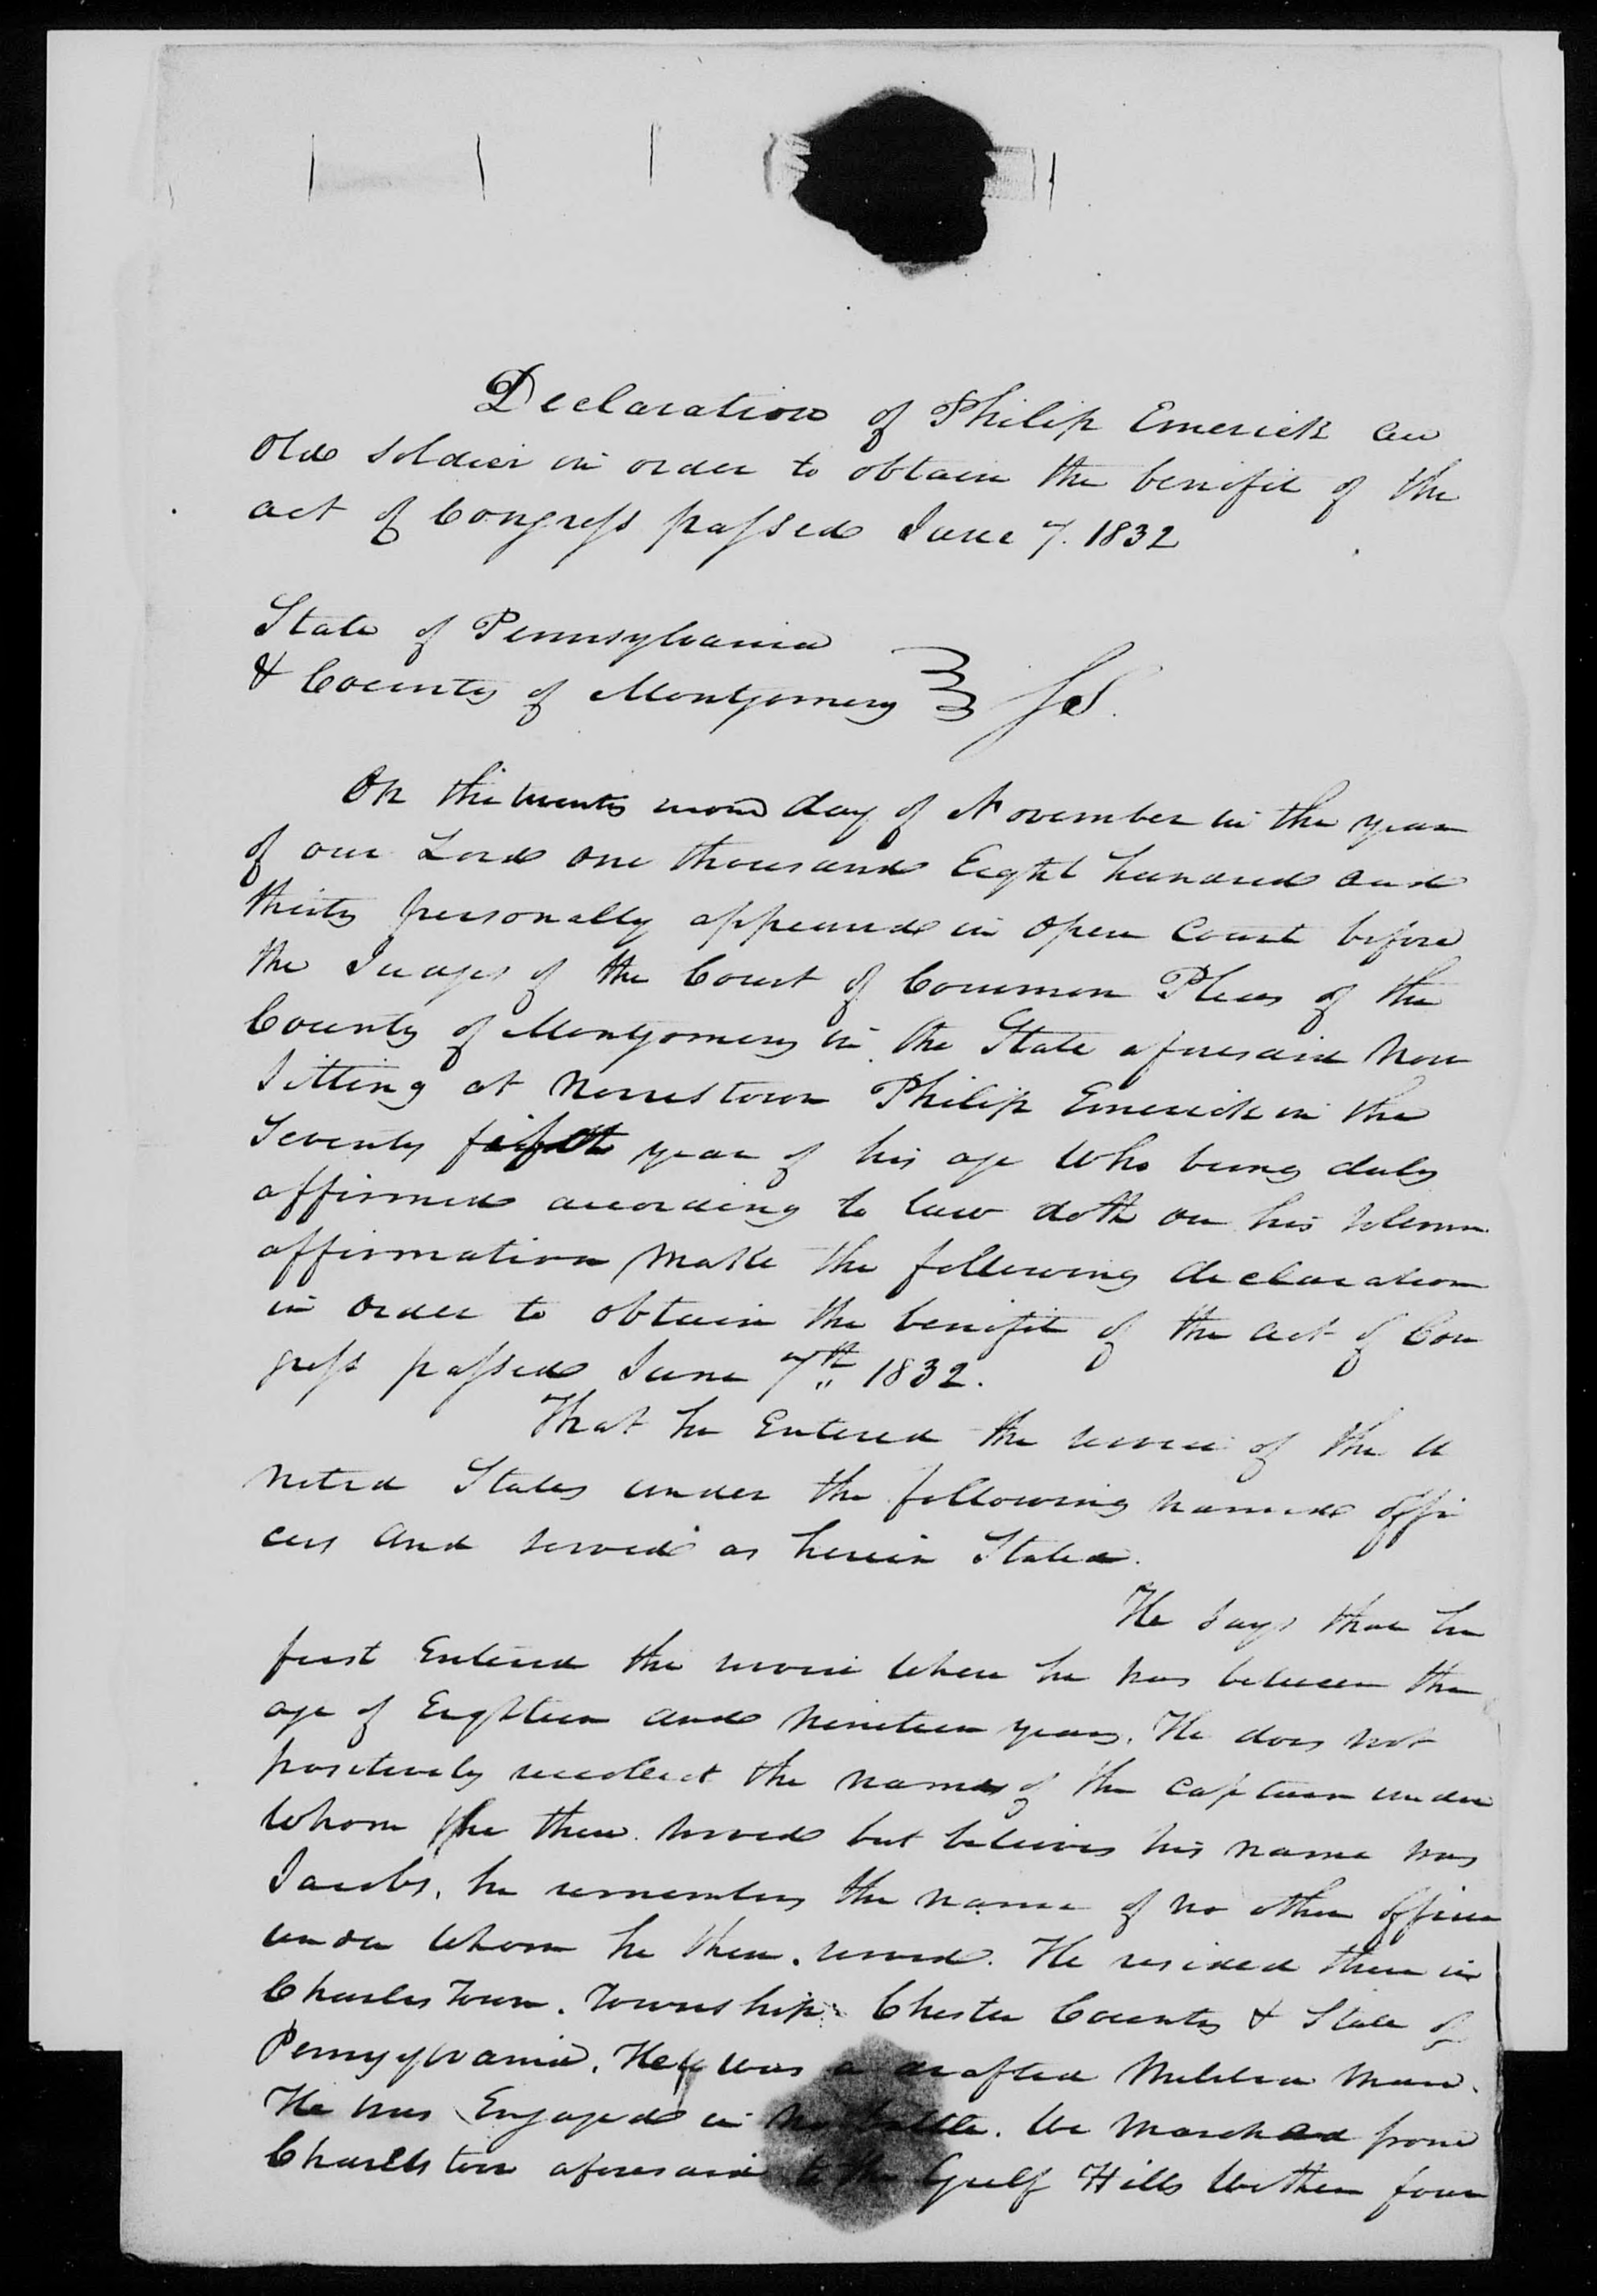Declaration of Philip Emerick an
old soldier in order to obtain the benefit of the
act of Congress passed June 7. 1832

State of Pennsylvania}
& County of Montgomery ⎬ ss

On the twenty [illegible] day of November in the year of our Lord one thousand Eight hundred and thirty personally appeared in open Court before the Judges of the Court of Common Pleas of the County of Montgomery in the State aforesaid now sitting at Norristown Philip Emerick in the Seventy fifth year of his age who being duly affirmed according to law doth on his solemn affirmation make the following declaration in order to obtain the benefit of the act of Congress passed June 7th 1832.
That he entered the service of the 
United States under the following named officers and served as herein stated.
The days that he first enlisted the service when he was between the age of eighteen and nineteen years. He does not positively recollect the names of the captain under whom he then served but believe his name was Jacobs, he remembers the name of no other officer
under whom he then served. He resided then in
Charles Town Township Chester County & State of Pennsylvania. He was a drafted  Militia Man.
He was engaged in [obstructed]. We marched from Charlestown aforesaid [obstructed] Gulf Hills within four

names: Philip Emerick, Jacobs, Philip Emerick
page: 4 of 29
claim: survivor's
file: S. 23618, Philip Emerick, Penn.